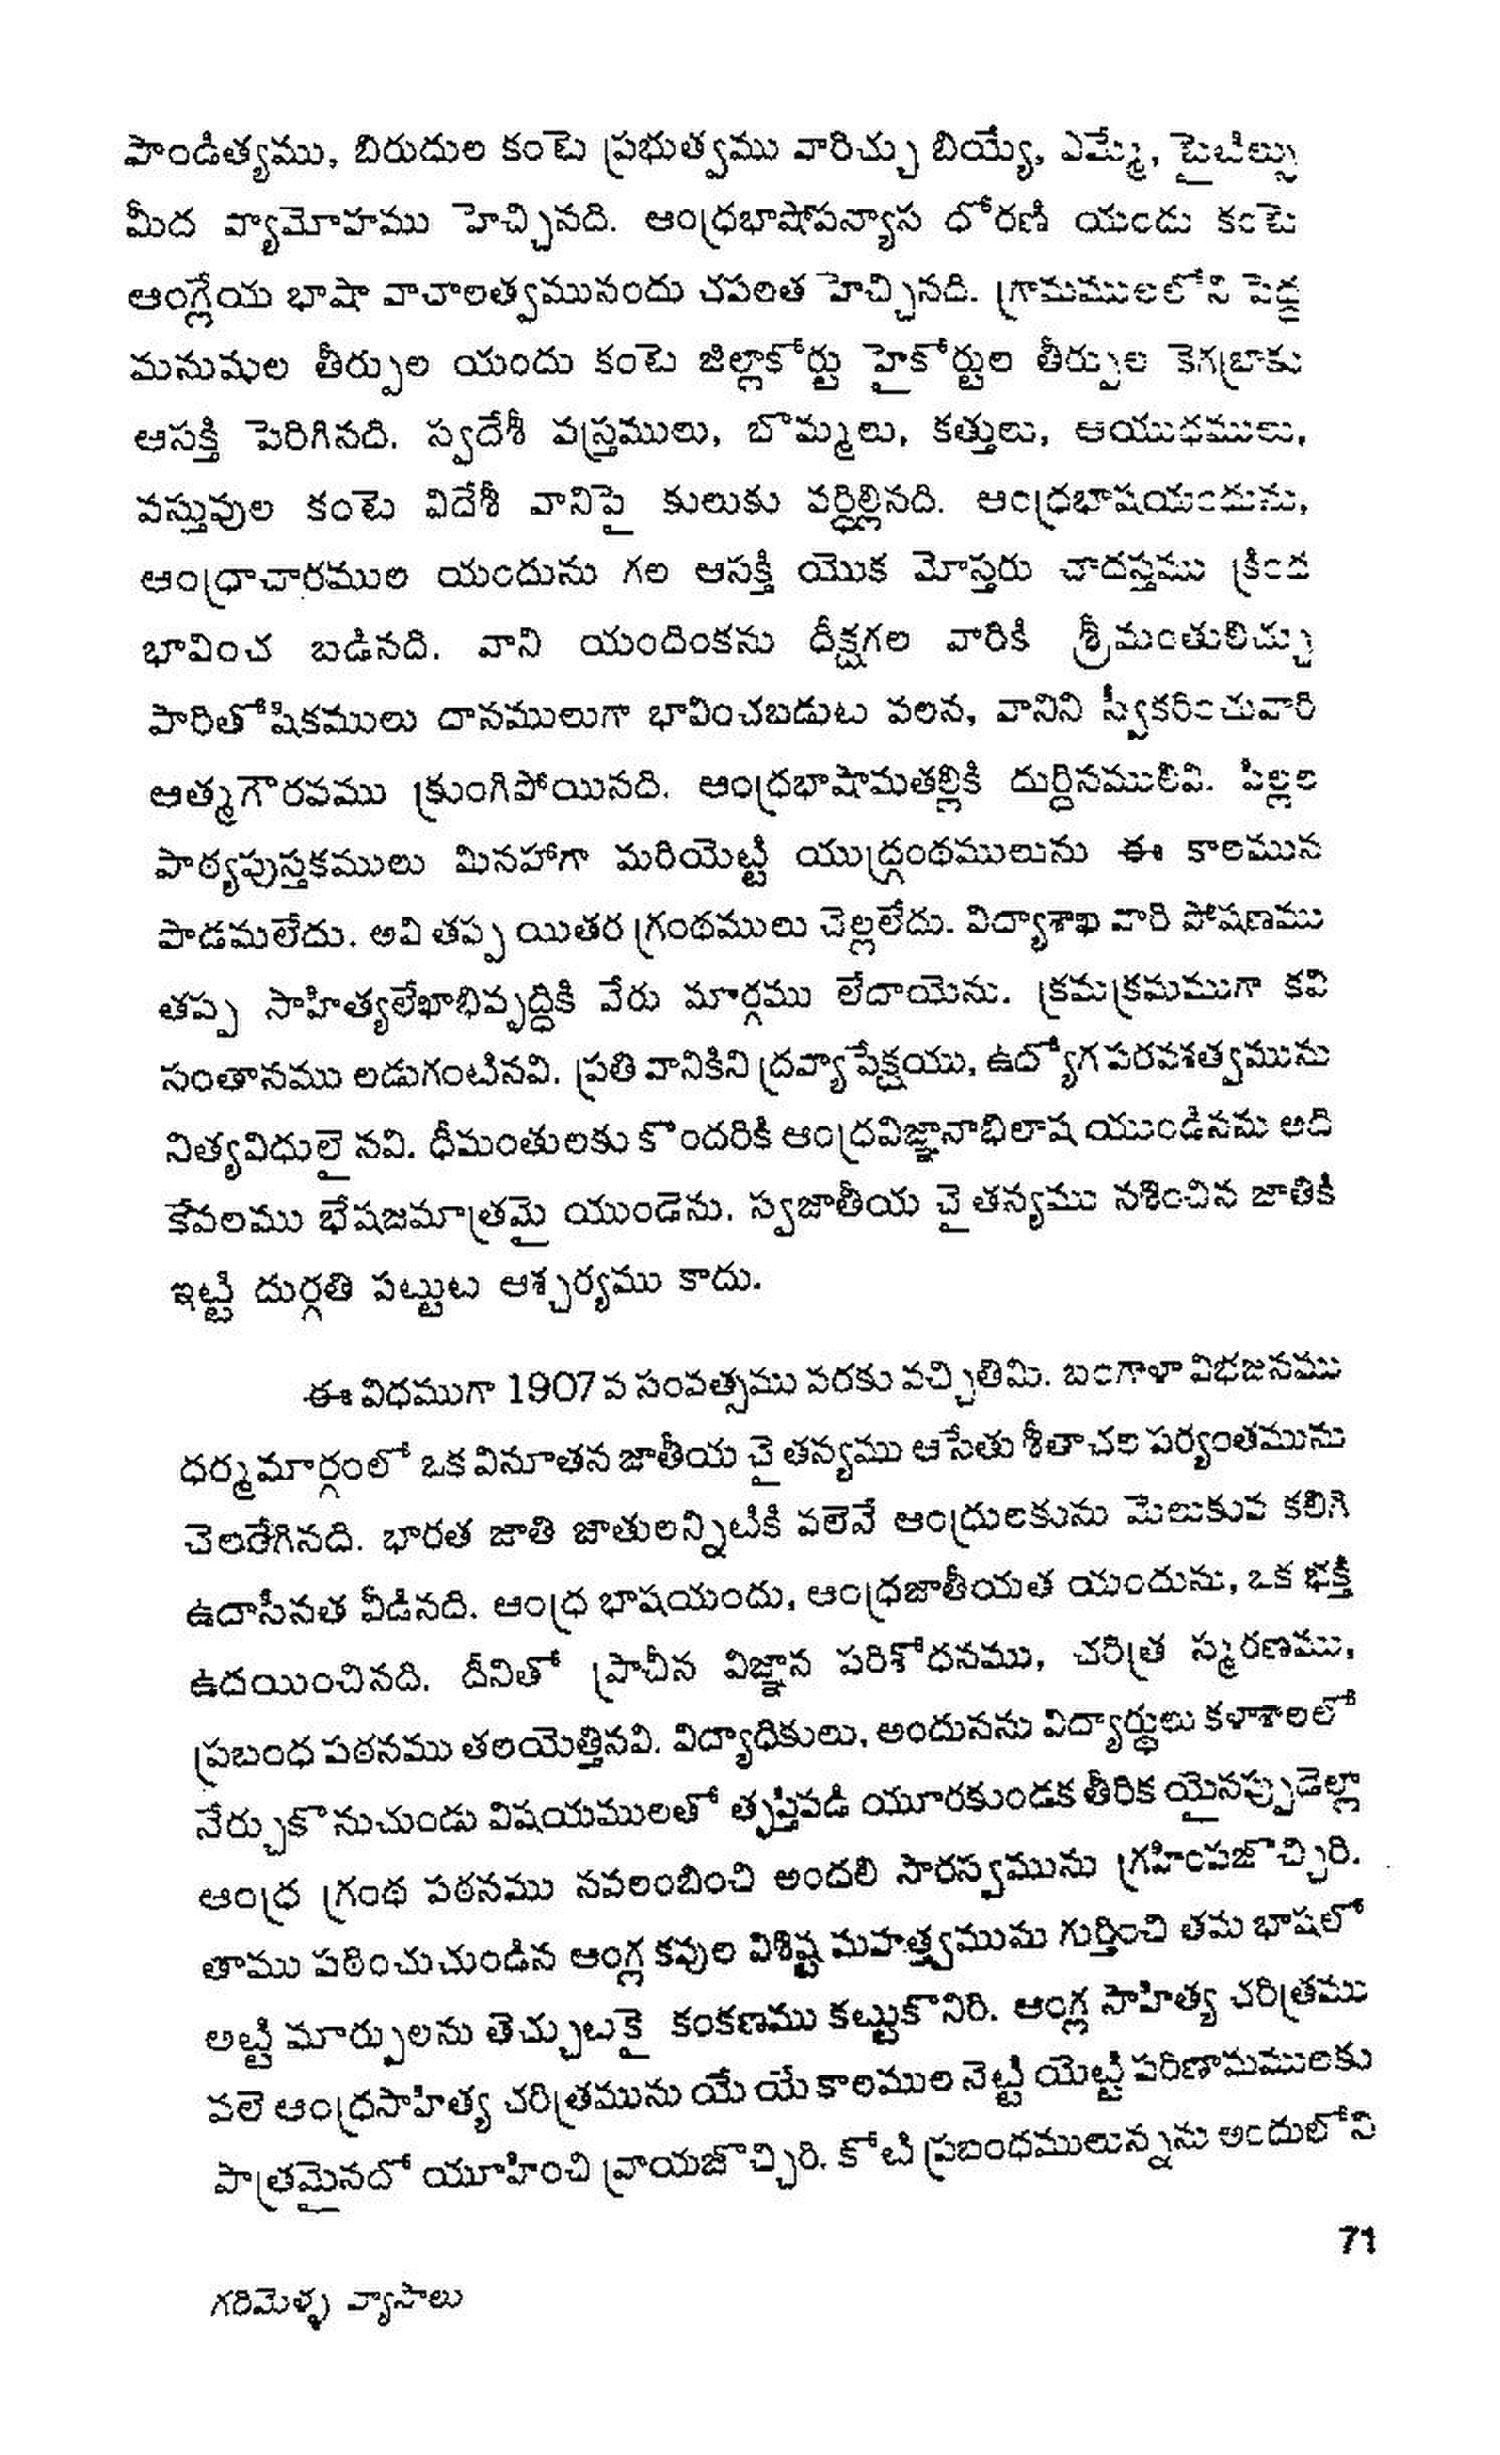పాండిత్యము, బిరుదుల కంటె ప్రభుత్వము వారిచ్చు బియ్యే, ఎమ్మే, టైటిల్సు మీద వ్యామోహము హెచ్చినది. ఆంధ్రభాషోపన్యాస దోరణి యందు కంటె ఆంగ్లేయ భాషా వాచాలత్వమునందు చపలత హెచ్చినది. గ్రామములలోని పెద్ద మనుషుల తీర్పుల యందు కంటె జిల్లాకోర్టు హైకోర్టుల తీర్పుల కెగబ్రాకు ఆసక్తి పెరిగినది. స్వదేశీ వస్త్రములు, బొమ్మలు, కత్తులు, ఆయుధములు, వస్తువుల కంటె విదేశీ వానిపై కులుకు వర్ధిల్లినది. ఆంధ్రభాషయందును, ఆంధ్రాచారముల యందును గల ఆసక్తి యొక మోస్తరు చాదస్తము క్రింద భావించ బడినది. వాని యందింకను దీక్షగల వారికి శ్రీమంతులిచ్చు పారితోషికములు దానములుగా బావించబడుట వలన, వానిని స్వీకరించువారి ఆత్మగౌరవము క్రుంగిపోయినది. ఆంధ్రభాషామతల్లికి దుర్దినములివి. పిల్లల పాఠ్యపుస్తకములు మినహాగా మరియెట్టి యుద్గ్రంథములును ఈ కాలమున పొడమలేదు. అవితప్ప యితర గ్రంథములు చెల్లలేదు. విద్యాశాఖ వారి పోషణము తప్ప సాహిత్యలేఖాభివృద్దికి వేరు మార్గము లేదాయను. క్రమక్రమముగా కవి సంతానము లడుగండినవి. ప్రతివానికిని ద్రవ్యాపేక్షయు, ఉద్యోగపరవశత్వమును నిత్యవిధులైనవి. దీమంతులకు కొందరికి ఆంధ్రవిజ్ఞానాభిలాష యుండినను అది కేవలము భేషజమాత్రమై యుండెను. స్వజాతీయ చైతన్యము నశించిన జాతికి ఇట్తి దుర్గతి పట్టుట ఆశ్చర్యము కాదు.

ఈ విధముగా 1907 వ సంవత్సరము వరకు వచ్చితిమి. బంగాళావిభజనము ధర్మమార్గంలో ఒక వినూతన జాతీయ చైతన్యము అసేతు శీతాచల పర్యంతమును చెలరేగినది. భారత జాతి జాతులన్నిటికి వలెనే ఆంధ్రులకును మెలుకువ కలిగి ఉదాసీనత వీడినది. ఆంధ్ర భాషయందు, ఆంధ్రజాతీయత యందును, ఒక భక్తి ఉదయించినది. దీనితో ప్రాచీన విజ్ఞాన పరిశోధనము, చరిత్ర స్మరణము, ప్రబంధపఠనము తలయెత్తినవి. విద్యాధికులు, అందునను విద్యార్థులు కళాశాలలో నేర్చుకొనుచుండు విషయములతో తృప్తిపడి యూరకుండక తీరిక యైనప్పుడెల్లా ఆంధ్ర గ్రంథ పఠనము నవలంబించి అందలి సారస్వమును గ్రహింపజొచ్చిరి. తాము పఠించుచుచుండిన ఆంగ్ల కవుల విశిష్ట మహత్త్వమును గుర్తించి తమ భాషలో అట్టి మార్పులను తెచ్చుటకై కంకణము కట్టుకొనిరి. ఆంగ్ల సాహిత్య చరిత్రము వలె ఆంధ్రసాహిత్య చరిత్రమును యే యే కాలముల నెట్టి యెట్టి పరిణామములకు పాత్రమైనదో యూహించి వ్రాయజొచ్చిరి. కోటిప్రబంధములున్నను అందులోని